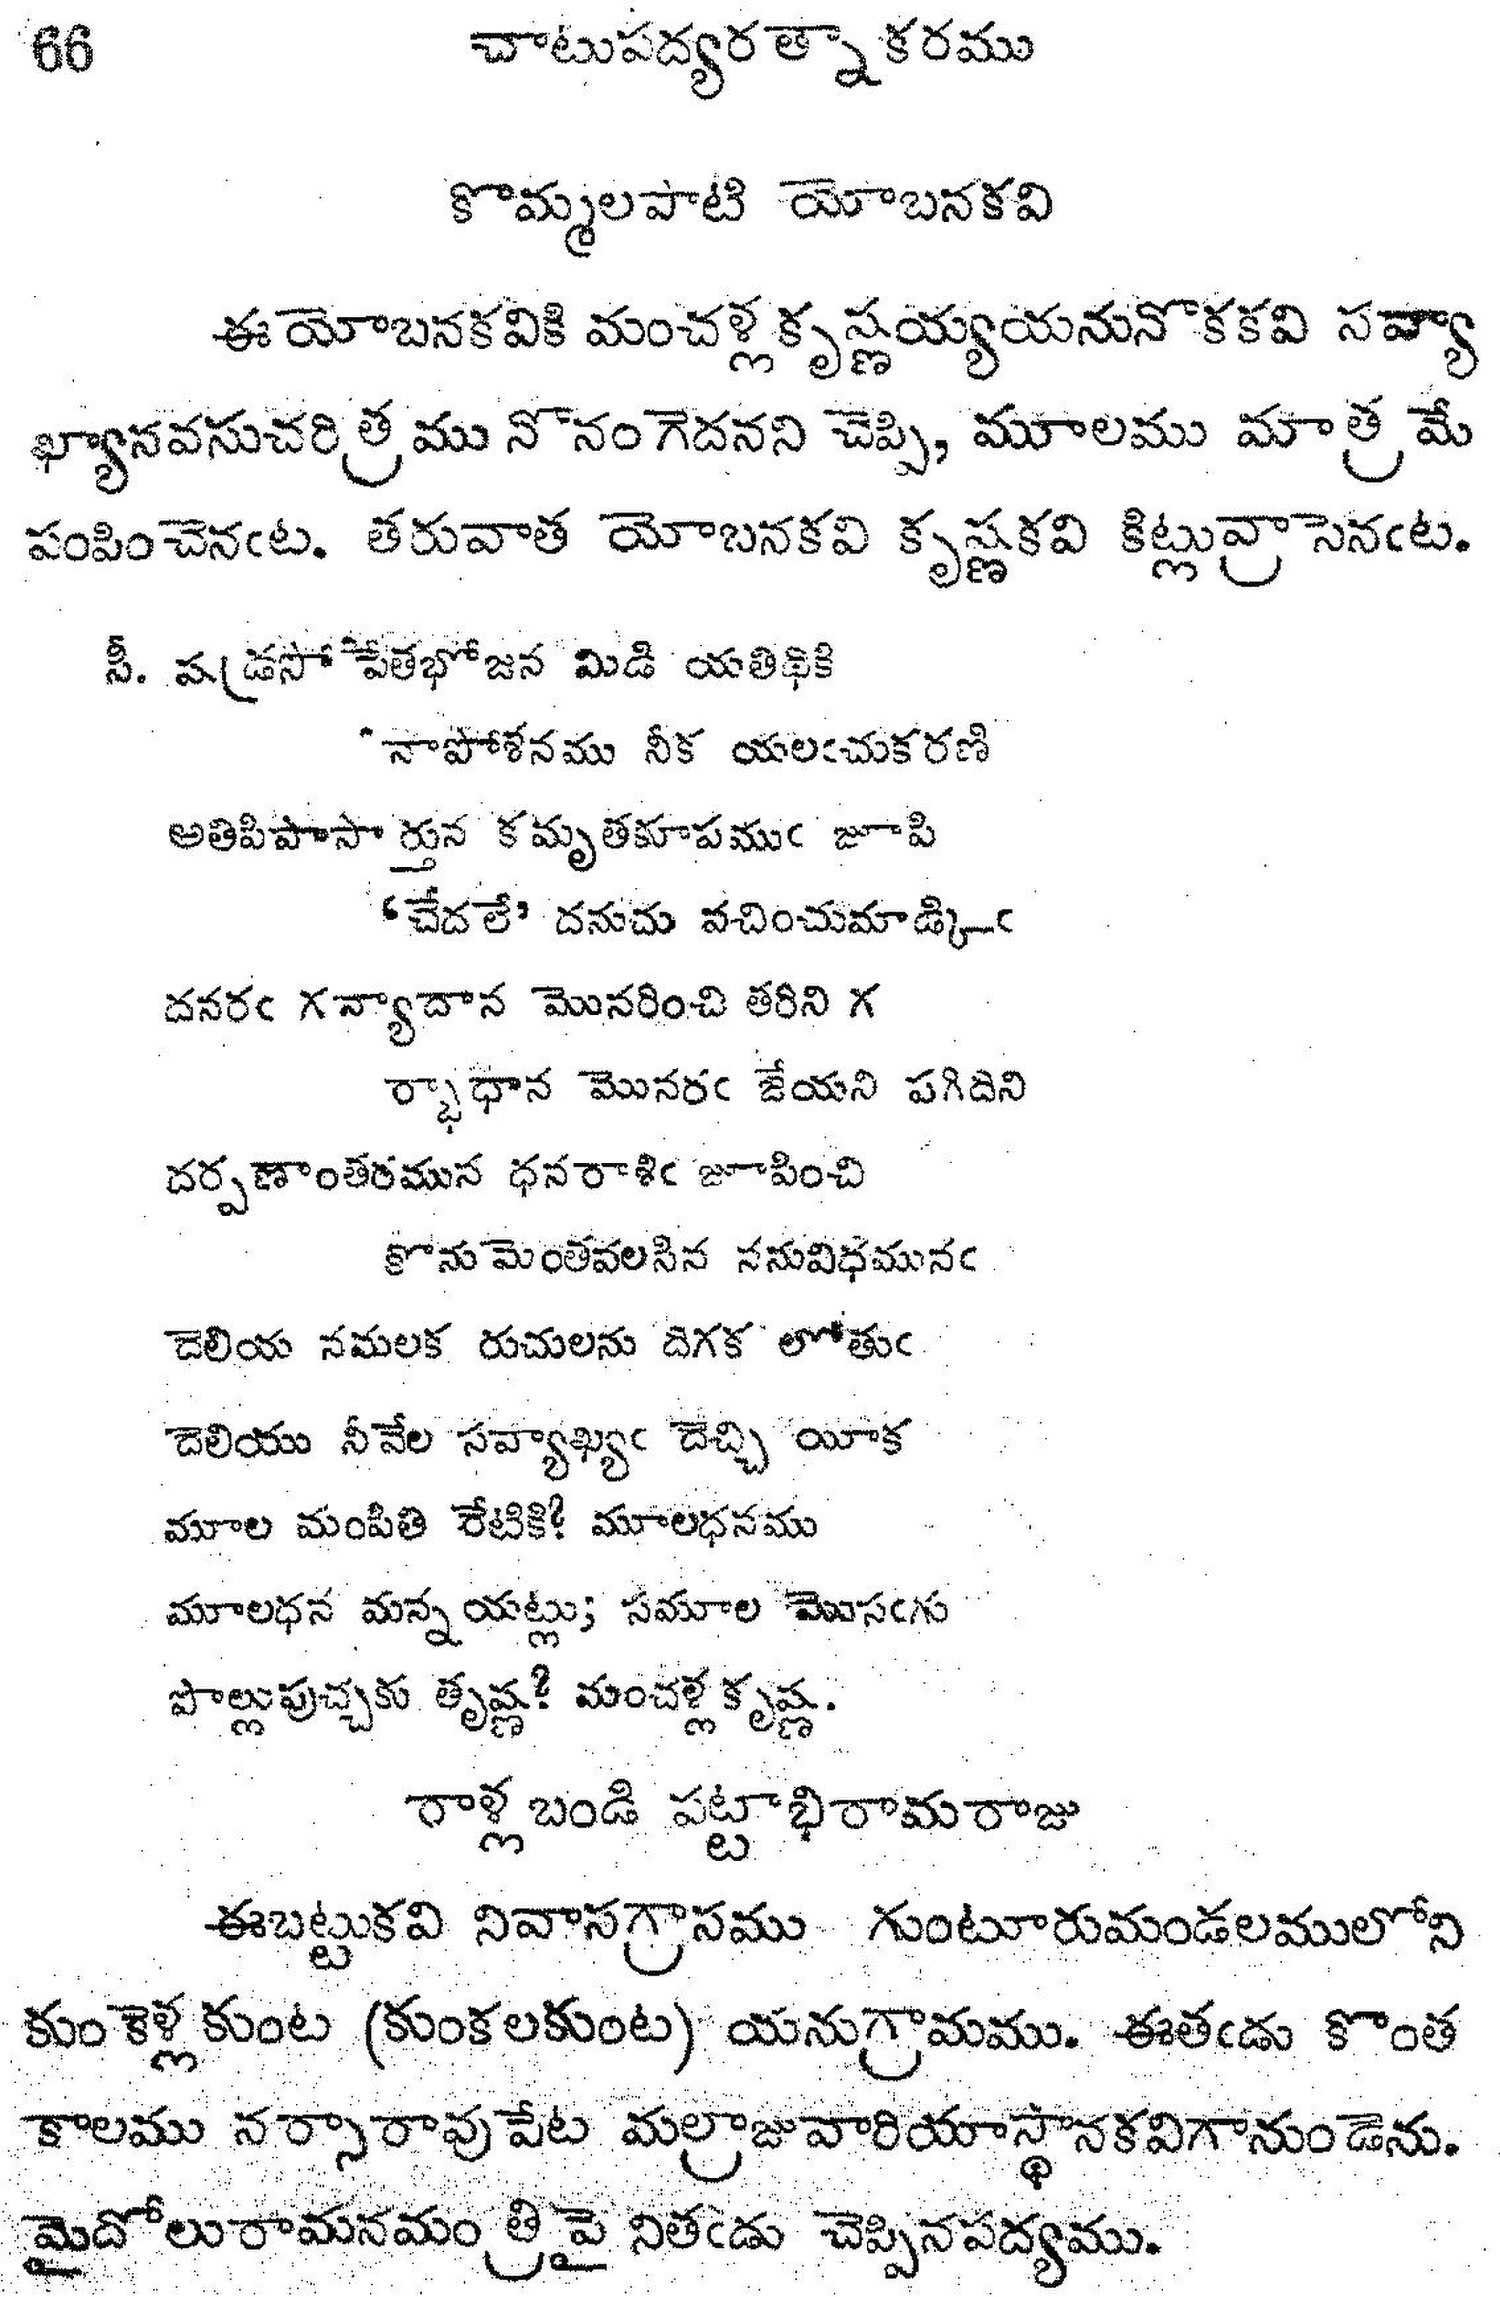ఈయోబనకవికి మంచళ్ళకృష్ణయ్యయను నొకకవి సవ్యాఖ్యానవసుచరిత్రము నొసంగెదనని చెప్పి, మూలము మాత్రమే పంపించనఁట. తరువాత యోబనకవి కృష్ణకవి కిట్లు వ్రాసెనఁట.

సీ. షడ్రసోపేతభోజన మిడి యతిథికి
 నాపోశనము నీక యలఁచుకరణి
 అతిపిపాసార్తున కమృతకూపముఁ జూపి
 ‘చేదలే’ దనుచు వచించుమాడ్కిఁ
 దనరఁ గన్యాదాన మొనరించి తరిని గ
 ర్భాధాన మొనరఁ జేయని పగిదిని
 దర్పణాంతరమున ధనరాశిఁ జూపించి
 కొనుమెంతవలసిన ననువిధమున
 దెలియ నమలక రుచులను దిగక లోతుఁ
 దెలియు నీవేల సవ్యాఖ్యఁ దెచ్చి యీక
 మూల మంపితి రేటికి? మూలధనము
 మూలధన మన్నయట్లు; సమూల మొసఁగు
 పొల్లుపుచ్చకు తృష్ణ? మంచళ్ళకృష్ణ.

ఈబట్టుకవి నివాసగ్రామము గుంటూరుమండలములోని కుంకెళ్ళకుంట (కుంకలకుంట) యనుగ్రామము. ఈతఁడు కొంతకాలము నర్సారావుపేట మల్రాజువారి యాస్థానకవిగా నుండెను. మైదోలురామనమంత్రిపై నితఁడు చెప్పిన పద్యము.